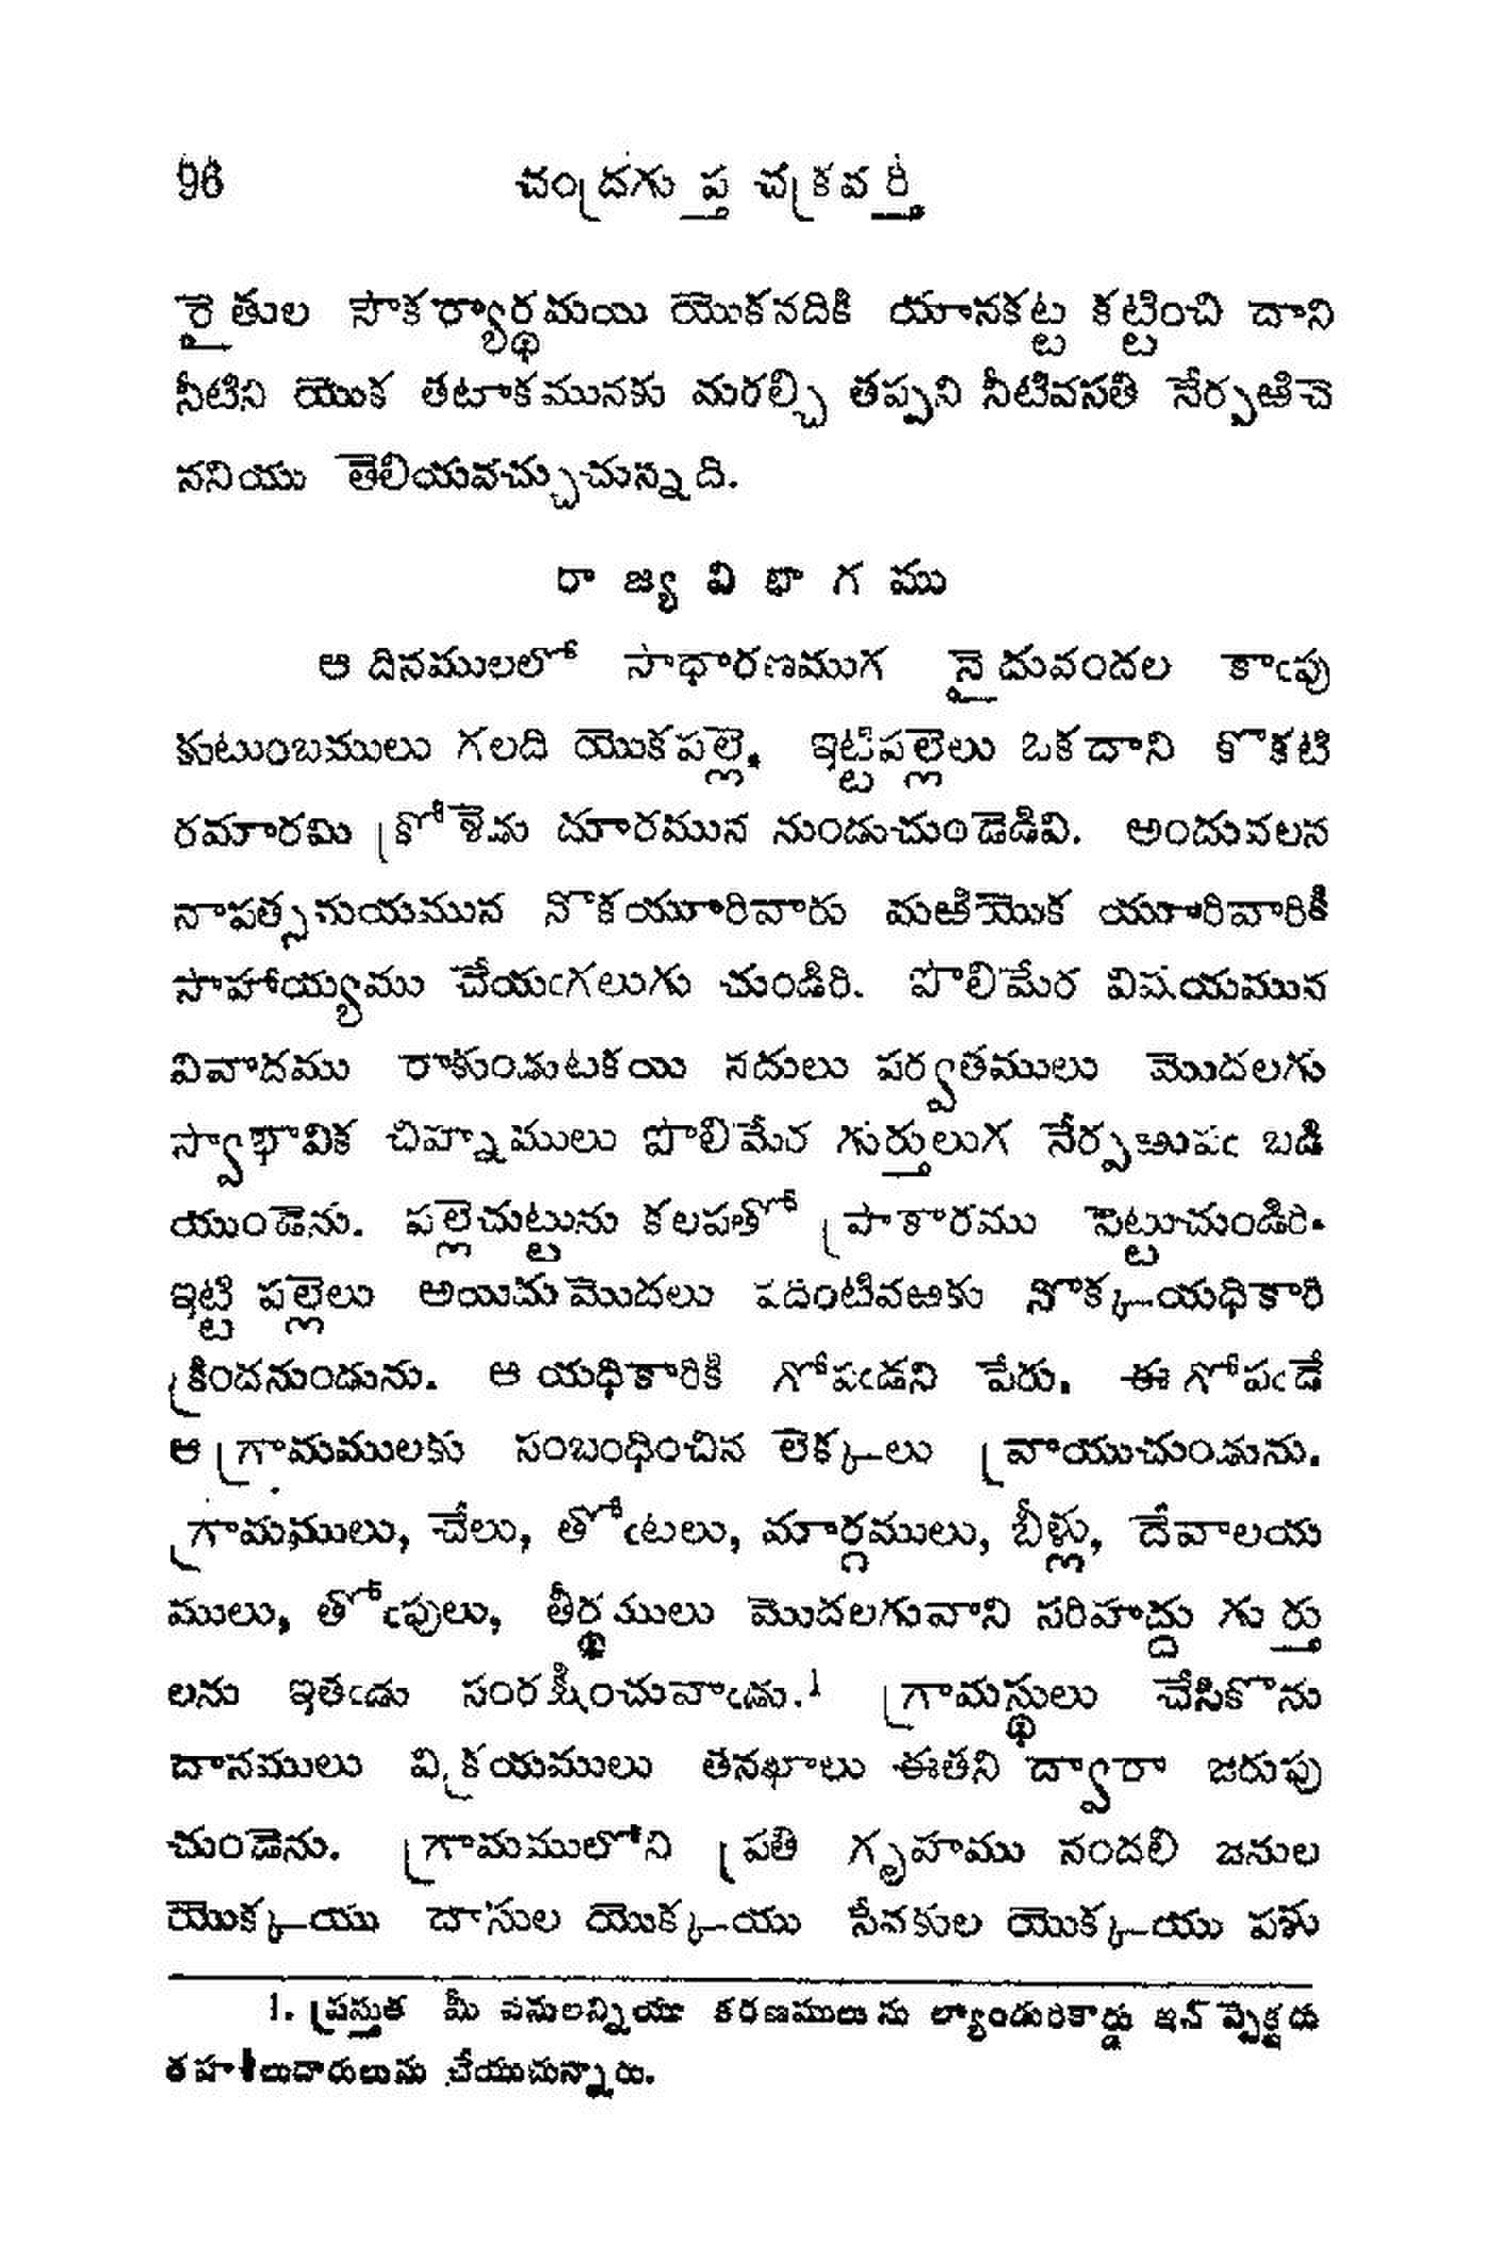రైతుల సౌకర్యార్థమయి యొకనదికి యానకట్ట కట్టించి దాని నీటిని యొక తటాకమునకు మరల్చి తప్పని నీటివసతి నేర్పఱిచెననియు తెలియవచ్చుచున్నది.

రాజ్య విభాగము 

ఆ దినములలో సాధారణముగ నైదువందల కాఁపు కుటుంబములు గలది యొకపల్లె. ఇట్టిపల్లెలు ఒకదాని కొకటి రమారమి క్రోశెడు దూరమున నుండుచుండెడివి. అందువలన నాపత్సమయమున నొకయూరివారు మఱియొక యూరివారికి సాహాయ్యము చేయఁగలుగు చుండిరి. పొలిమేర విషయమున వివాదము రాకుండుటకయి నదులు పర్వతములు మొదలగు స్వాభావిక చిహ్నములు పొలిమేర గుర్తులుగ నేర్పఱుపఁ బడి యుండెను. పల్లెచుట్టును కలపతో ప్రాకారము పెట్టుచుండిరి. ఇట్టి పల్లెలు అయిదు మొదలు పదింటివఱకు నొక్కయధికారి క్రిందనుండును. ఆ యధికారికి గోపఁడని పేరు. ఈ గోపఁడే ఆ గ్రామములకు సంబంధించిన లెక్కలు వ్రాయుచుండును.గ్రామములు, చేలు, తోటలు, మార్గములు, బీళ్లు, దేవాలయములు, తోఁపులు, తీర్థములు మొదలగువాని సరిహద్దు గుర్తులను ఇతఁడు సంరక్షించువాఁడు.1 గ్రామస్థులు చేసికొను దానములు విక్రయములు తనఖాలు ఈతని ద్వారా జరుపు చుండెను. గ్రామములోని ప్రతి గృహము నందలి జనుల యొక్కయు దాసుల యొక్కయు సేవకుల యొక్కయు పశు